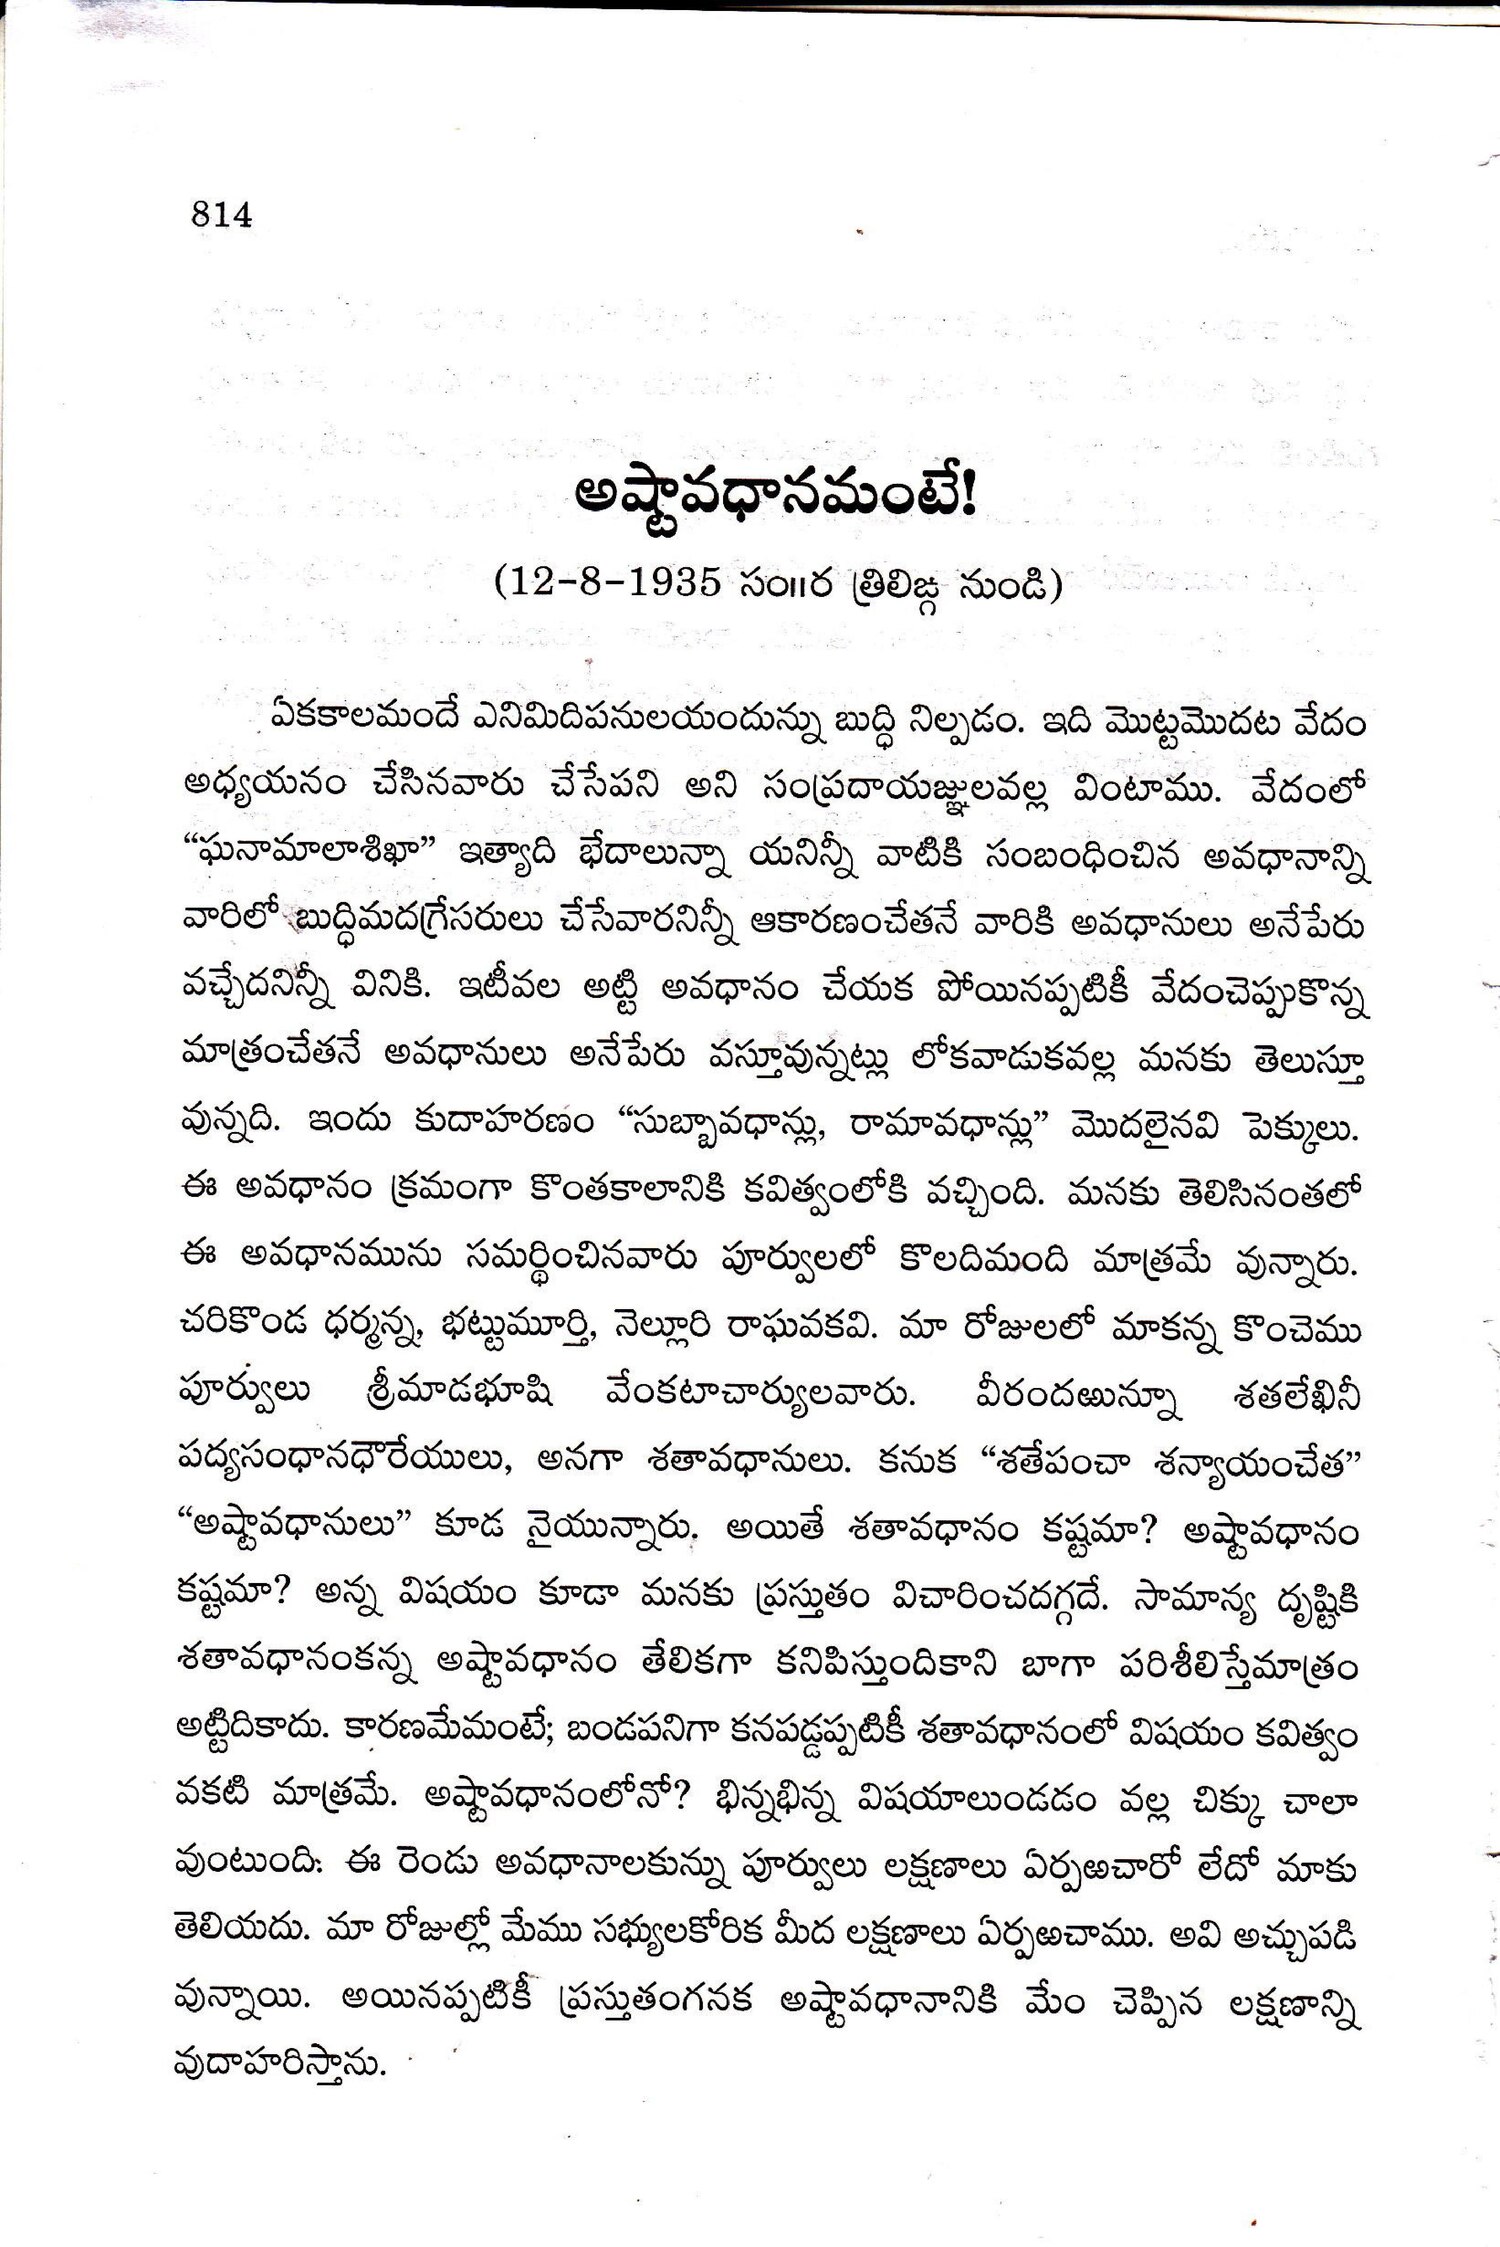అష్టావధానమంటే! 
(12-8-1935 సం||ర త్రిలిఙ్గ నుండి)

ఏకకాలమందే ఎనిమిదిపనులయందున్ను బుద్ధి నిల్పడం. ఇది మొట్టమొదట వేదం అధ్యయనం చేసినవారు చేసేపని అని సంప్రదాయజ్ఞులవల్ల వింటాము. వేదంలో “ఘనామాలాశిఖా" ఇత్యాది భేదాలున్నా యనిన్నీ వాటికి సంబంధించిన అవధానాన్ని వారిలో బుద్ధిమదగ్రేసరులు చేసేవారనిన్నీ ఆకారణంచేతనే వారికి అవధానులు అనేపేరు వచ్చేదనిన్నీ వినికి. ఇటీవల అట్టి అవధానం చేయక పోయినప్పటికీ వేదంచెప్పుకొన్న మాత్రంచేతనే అవధానులు అనేపేరు వస్తూవున్నట్లు లోకవాడుకవల్ల మనకు తెలుస్తూ వున్నది. ఇందు కుదాహరణం “సుబ్బావధాన్లు, రామావధాన్లు" మొదలైనవి పెక్కులు. ఈ అవధానం క్రమంగా కొంతకాలానికి కవిత్వంలోకి వచ్చింది. మనకు తెలిసినంతలో ఈ అవధానమును సమర్ధించినవారు పూర్వులలో కొలదిమంది మాత్రమే వున్నారు. చరికొండ ధర్మన్న భట్టుమూర్తి, నెల్లూరి రాఘవకవి. మా రోజులలో మాకన్న కొంచెము పూర్వులు శ్రీమాడభూషి వేంకటాచార్యులవారు. వీరందఱున్నూ శతలేఖినీ పద్యసంధానధౌరేయులు, అనగా శతావధానులు. కనుక “శతేపంచా శన్యాయంచేత" "అష్టావధానులు" కూడ నైయున్నారు. అయితే శతావధానం కష్టమా? అష్టావధానం కష్టమా? అన్న విషయం కూడా మనకు ప్రస్తుతం విచారించదగ్గదే. సామాన్య దృష్టికి శతావధానంకన్న అష్టావధానం తేలికగా కనిపిస్తుందికాని బాగా పరిశీలిస్తే మాత్రం అట్టిదికాదు. కారణమేమంటే, బండపనిగా కనపడ్డప్పటికీ శతావధానంలో విషయం కవిత్వం వకటి మాత్రమే. అష్టావధానంలోనో? భిన్నభిన్న విషయాలుండడం వల్ల చిక్కు చాలా వుంటుంది. ఈ రెండు అవధానాలకున్ను పూర్వులు లక్షణాలు ఏర్పఱచారో లేదో మాకు తెలియదు. మా రోజుల్లో మేము సభ్యులకోరిక మీద లక్షణాలు ఏర్పఱచాము. అవి అచ్చుపడి వున్నాయి. అయినప్పటికీ ప్రస్తుతంగనక అష్టావధానానికి మేం చెప్పిన లక్షణాన్ని వుదాహరిస్తాను.